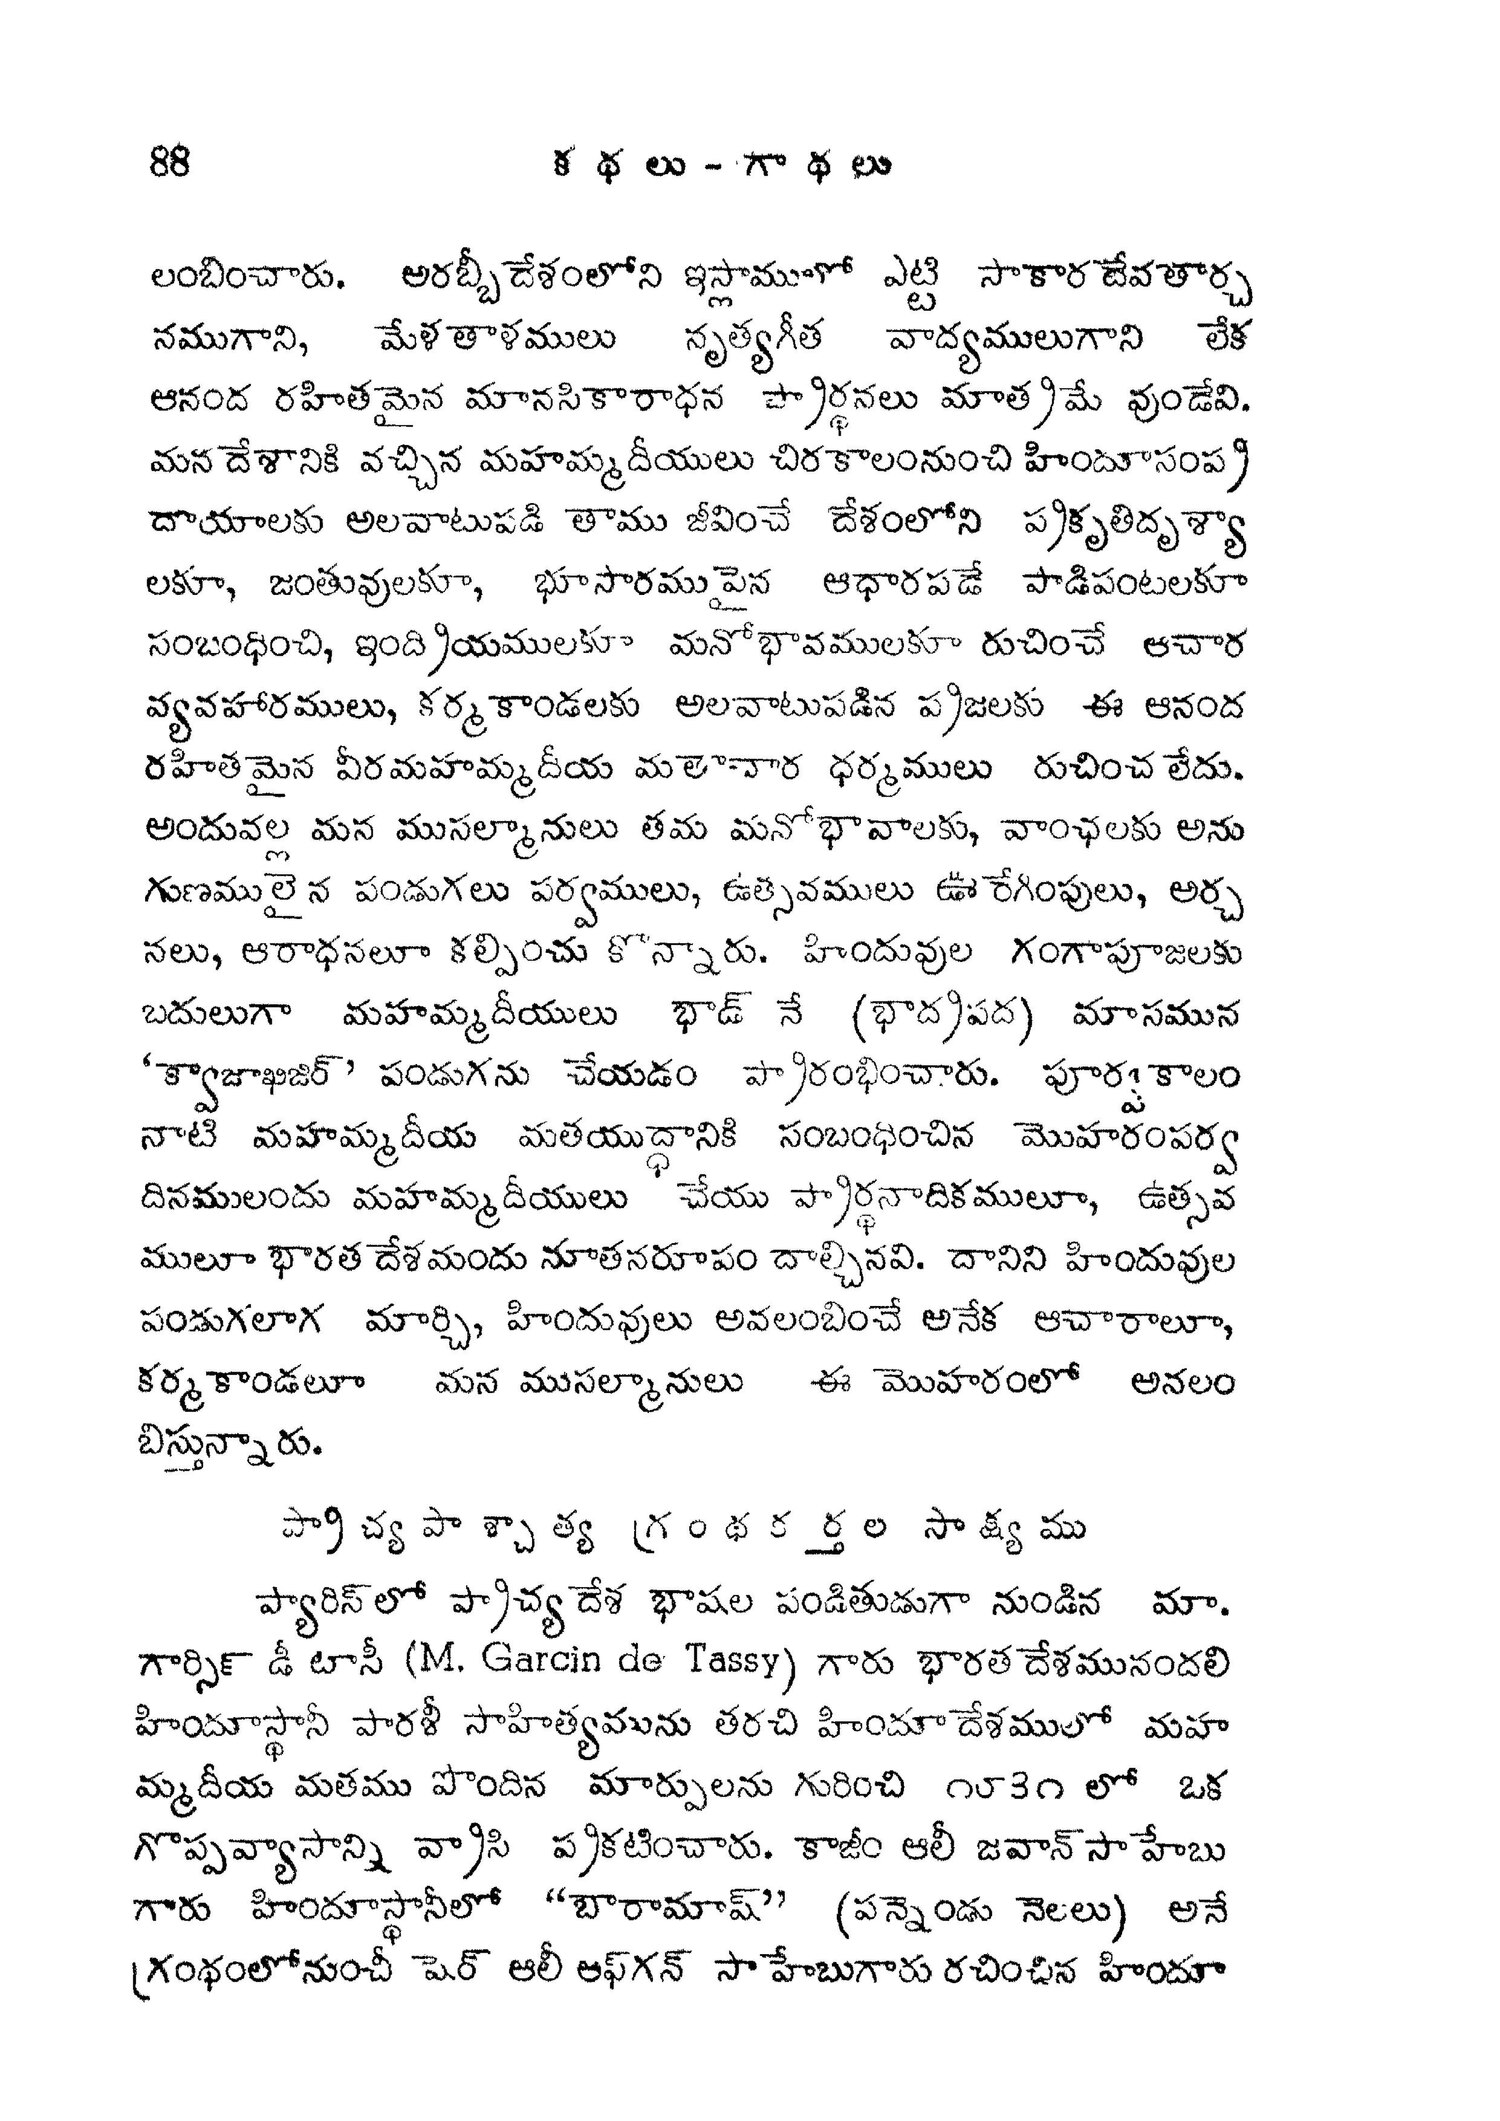లంబించారు. అరబ్బీదేశంలోని ఇస్లాములో ఎట్టి సాకారదేవతార్చనముగాని, మేళతాళములు నృత్యగీత వాద్యములుగాని లేక ఆనంద రహితమైన మానసికారాధన ప్రార్ధనలు మాత్రమే వుండేవి. మనదేశానికి వచ్చిన మహమ్మదీయులు చిరకాలమునుంచి హిందూసంప్రదాయాలకు అలవాటుపడి తాము జీవించే దేశంలోని ప్రకృతిదృశాలకూ, జంతువులకూ, భూసారముపైన ఆధారపడే పాడిపంటలకూ సంబంధించి, ఇంద్రియములకూ మనోభావములకూ రుచించే ఆచార వ్యవహారములు, కర్మకాండలకు అలవాటుపడిన ప్రజలకు ఈ ఆనందరహితమైన వీరమహమ్మదీయ మతాచార ధర్మములు రుచించలేదు. అందువల్ల మన ముసల్మానులు తమ మనోభావాలకు వాంఛలకు అనుగుణములైన పండుగలు పర్వములు, ఉత్సవములు ఊరేగింపులు, అర్చనలు, ఆరాధనలూ కల్పించు కొన్నారు. హిందువుల గంగాపూజలకు బదులుగా మహమ్మదీయులు భాడ్ నే (భాద్రపద) మాసమున 'క్వాజాఖజిర్ ' పండుగను చేయడం ప్రారంభించారు. పూర్వకాలంనాటి మహమ్మదీయ మతయుద్దానికి సంబంధించిన మొహరంపర్వదినములందు మహమ్మదీయులు చేయు ప్రార్ధనాదికములూ, ఉత్సవములూ భారతదేశమందు నూతనరూపం దాల్చినవి. దానిని హిందువుల పండుగలాగ మార్చి, హిందువులు అవలంబించే అనేక ఆచారాలూ, కర్మకాండలూ మన ముసల్మానులు ఈ మొహరంలో అవలంబిస్తున్నారు.

ప్యారిస్ లో ప్రాచ్యదేశ భాషల పండితుడుగా నుండిన మా.గార్సిన్ డీ టాసీ (M. Garcin de Tassy) గారు భారతదేశమునందలి హిందూస్థానీ పారశీక సాహిత్యము తరచి హిందూదేశములో మహమ్మదీయ మతము పొందిన మార్పులను గురించి 1831 లో ఒక గొప్పవ్యాసాన్ని వ్రాసి ప్రకటించారు. కాజీం ఆలీ జవాన్ సాహేబు గారు హిందూస్థానీలో "బారామాష్" (పన్నెండు నెలలు) అనే గ్రంధంలోనుంచీ షేర్ ఆలీ ఆఫ్ గన్ సాహేబుగారు రచించిన హిందూ